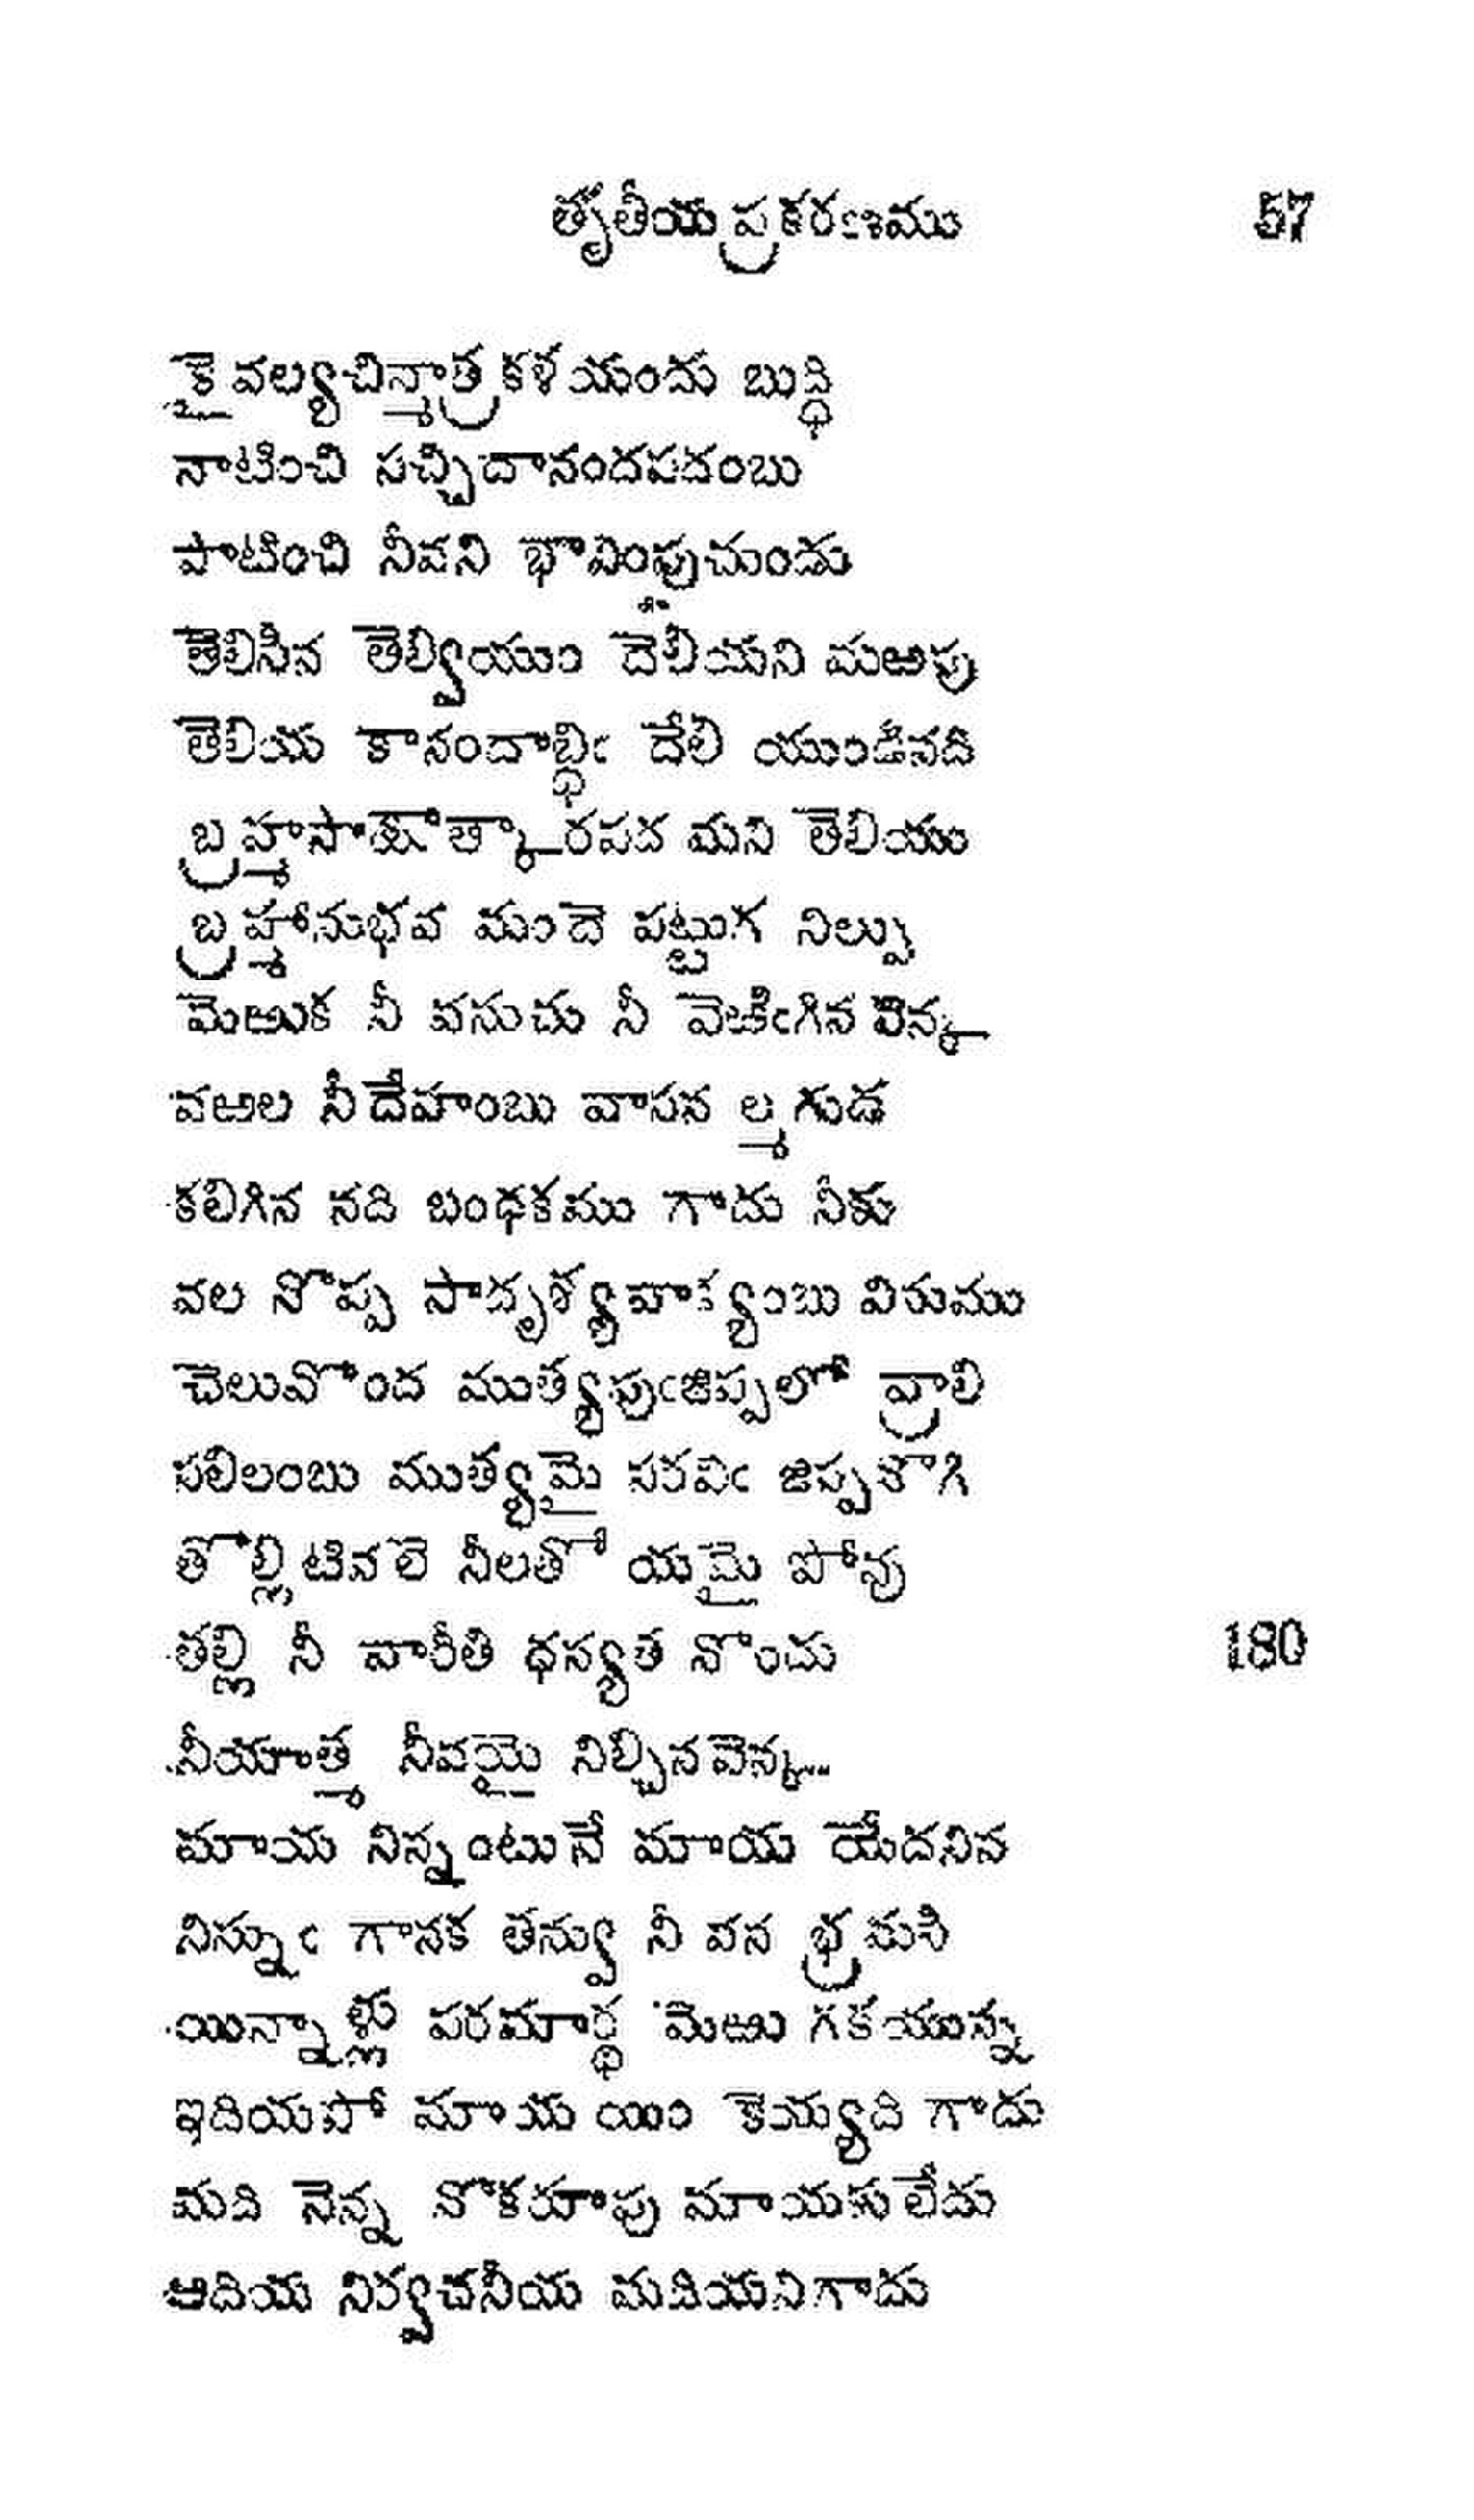కైవల్యచిన్మాత్రకళయందు బుద్ధి
నాటించి సచ్చిదానందపదంబు
పాటించి నీవని భావింపుచుండు
తెలిసిన తెల్వియుం దెలియని మఱపు
తెలియ కానందాబ్ధిఁ దేలి యుండినది
బ్రహ్మసాక్షాత్కారపద మని తెలియు
బ్రహ్మానుభవ మందె పట్టుగ నిల్పు
మెఱుక నీ వనుచు నీ వెఱిఁగిన వెన్క
వఱల నీ దేహంబు వాసన ల్మగుడ
కలిగిన నది బంధకము గాదు నీకు
వల నొప్ప సాదృశ్యవాక్యంబు వినుము
చెలువొంద ముత్యపుఁజిప్పలో వ్రాలి
సలిలంబు ముత్యమై సరవిఁ జిప్పనొగి
తొల్లిటివలె నీలతోయమై పోవు
తల్లి నీ వారీతి ధన్యత నొందు 
నీయాత్మ నీవయై నిల్చినవెన్క 
మాయ నిన్నంటునే మాయ యేదనిన
నిస్నుఁ గానక తన్వు నీ వన భ్రమసి
యిన్నాళ్లు పరమార్థ మెఱుగకయున్న
ఇదియపో మాయ యిం కెయ్యది గాదు
మది నెన్న నొకరూపు మాయకు లేదు 
అదియ నిర్వచనీయ మదియని గాదు